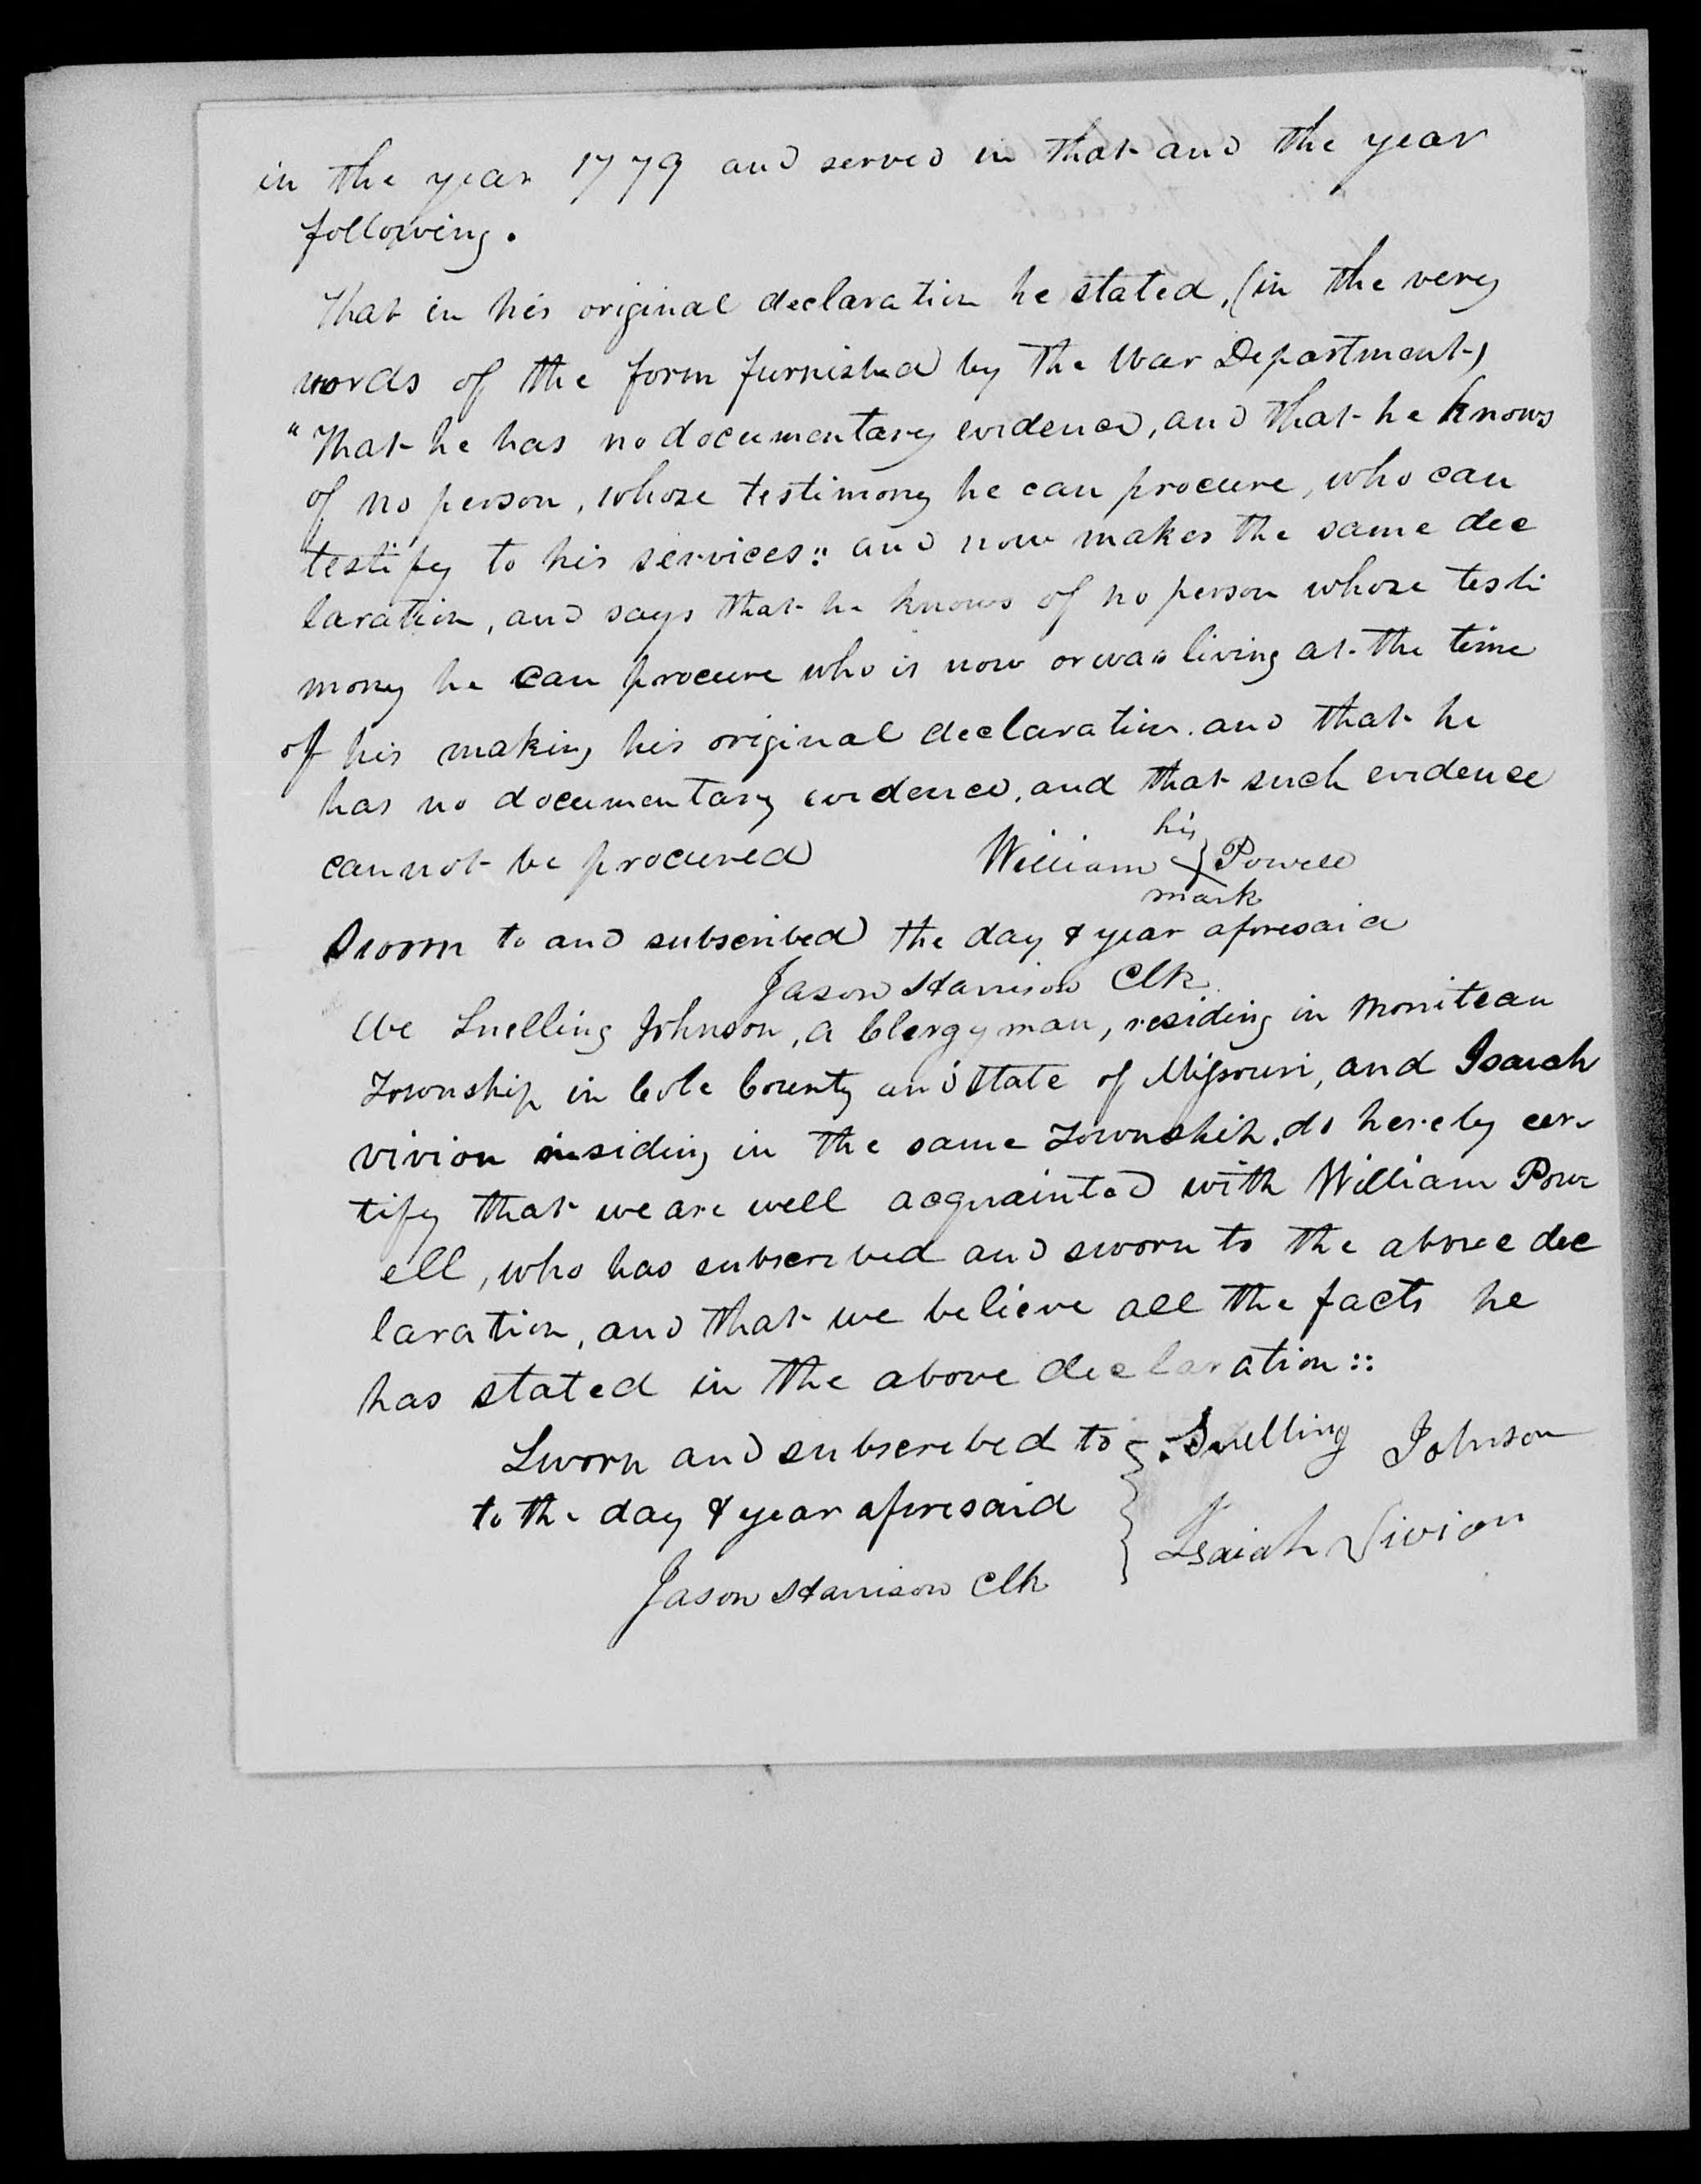in the year 1779 and served in that and the year following.
That in his original declaration he stated, (in the very words of the form furnished by the War Department) "That he has no documentary evidence, and that he knows
of no person, whose testimony he can procure, who can testify to his services", and now makes the same declaration, and says that he knows of no person whose testimony he can procure who is now or was living at the time of his making his original declaration and that he
has no documentary evidence, and that such evidence cannot be procured
William his X mark Powell
Sworn to and subscribed the day & year aforesaid
Jason Harrison Clk
We Snelling Johnson, a Clergyman, residing in Moniteau Township in Cole County and State of Missouri, and Isaiah Vivion residing in the same Township, do hereby certify that we are well acquainted with William Powell, who has subscribed and sworn to the above declaration, and that we believe all the facts he
has stated in the above declaration::
Sworn and subscribed to }
to the day & year aforesaid }
Jason Harrison Clk }
Snelling Johnson
Isaiah Vivion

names: William Powell; Jason Harrison; Snelling Johnson; Isaiah Vivion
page: 15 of 19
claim: survivor's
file: S. 17022, for William Powell, North Carolina